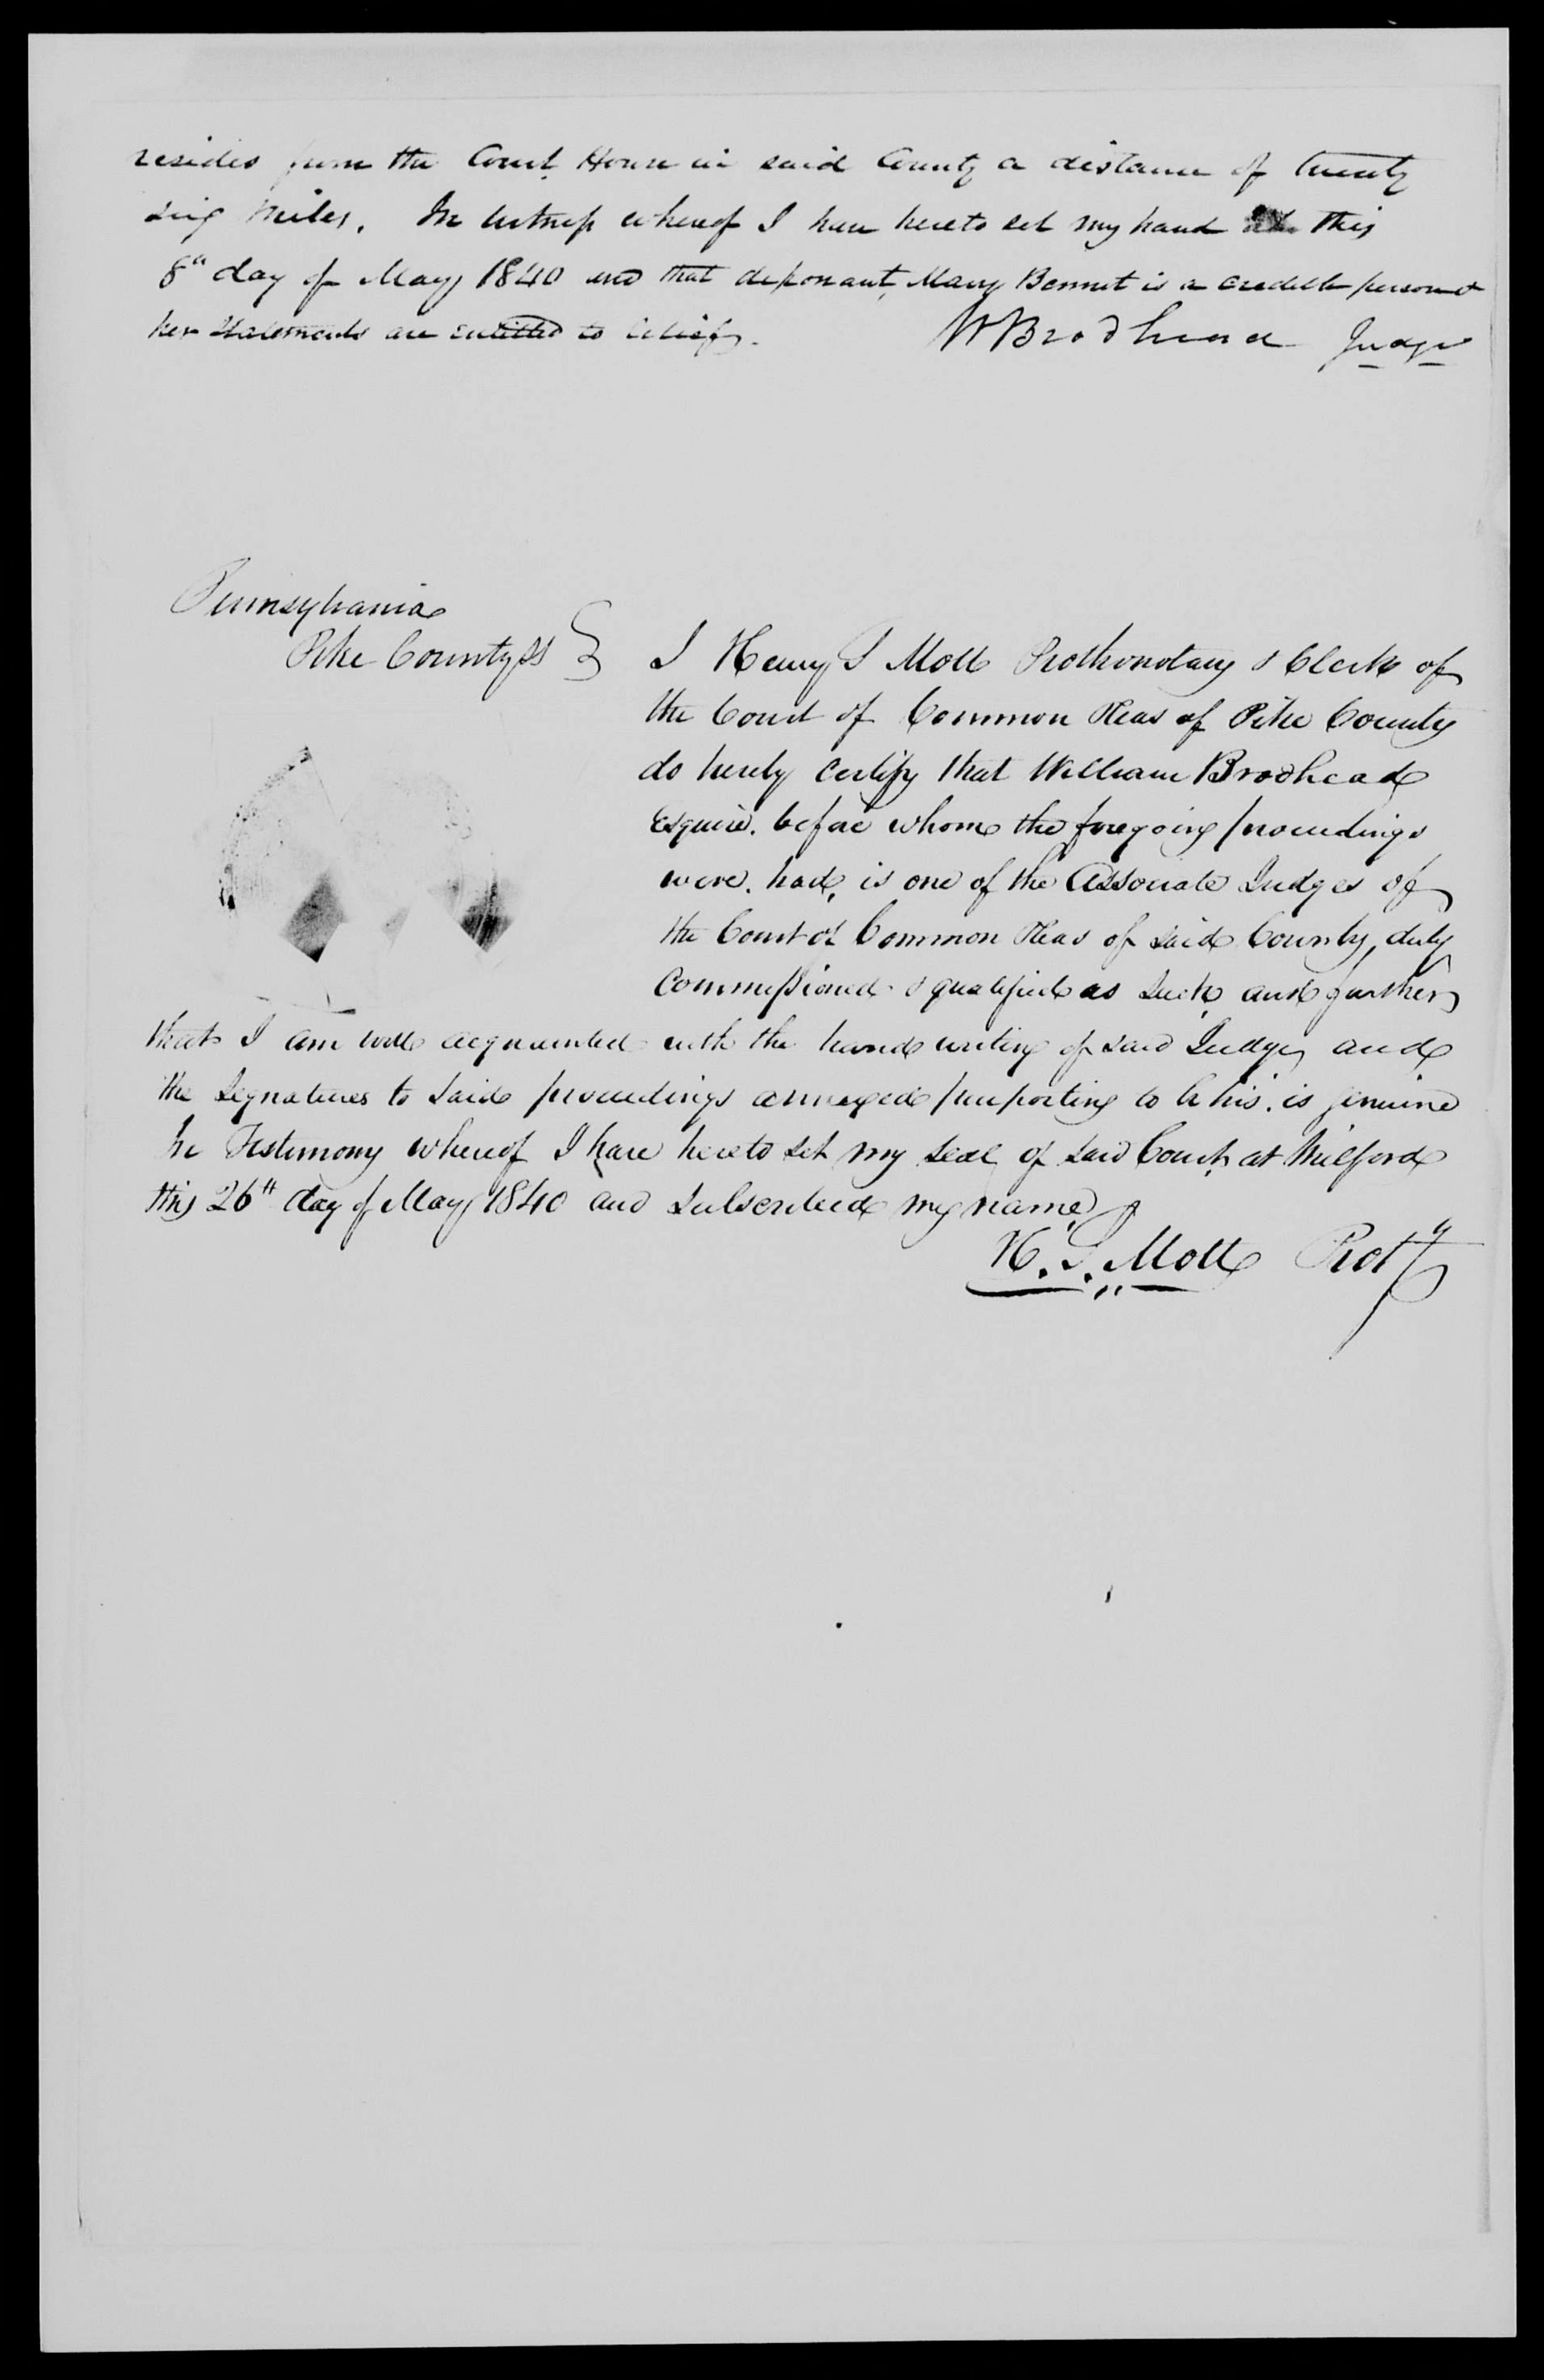resides from the Court House in said County a distance of twenty
six miles. In witness whereof I have hereto set my hand on this
8th day of May 1840 and that deponent Mary Bennet is a credible person +
her statements are entitled to credit.
W. Brodhead Judge

Pennsylvania
Pike County
I Henry S Moll Prothonotary + Clerk of
the Court of Common Pleas of Pike County
do hereby certify that William Broadhead
Esquire before whom the foregoing proceedings
were had is one of the Associate Judges of
the Court of Common Pleas of said County duly
Commission + qualified as such and further
that I am well acquainted with the handwriting of said Judge and
the signatures to said proceedings annexed purporting to be his is genuine
the testimony whereof I have hereto set my seal of said Court at Milford
this 26th day of May 1830 and subscribed my name
H. Moll Proty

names: W Brodhead, Mary Bennet, H S Mott, Henry P Mott, William Brodhead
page: 28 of 79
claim: widow's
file: W. 2,906, Stephen Bennet, Conn.